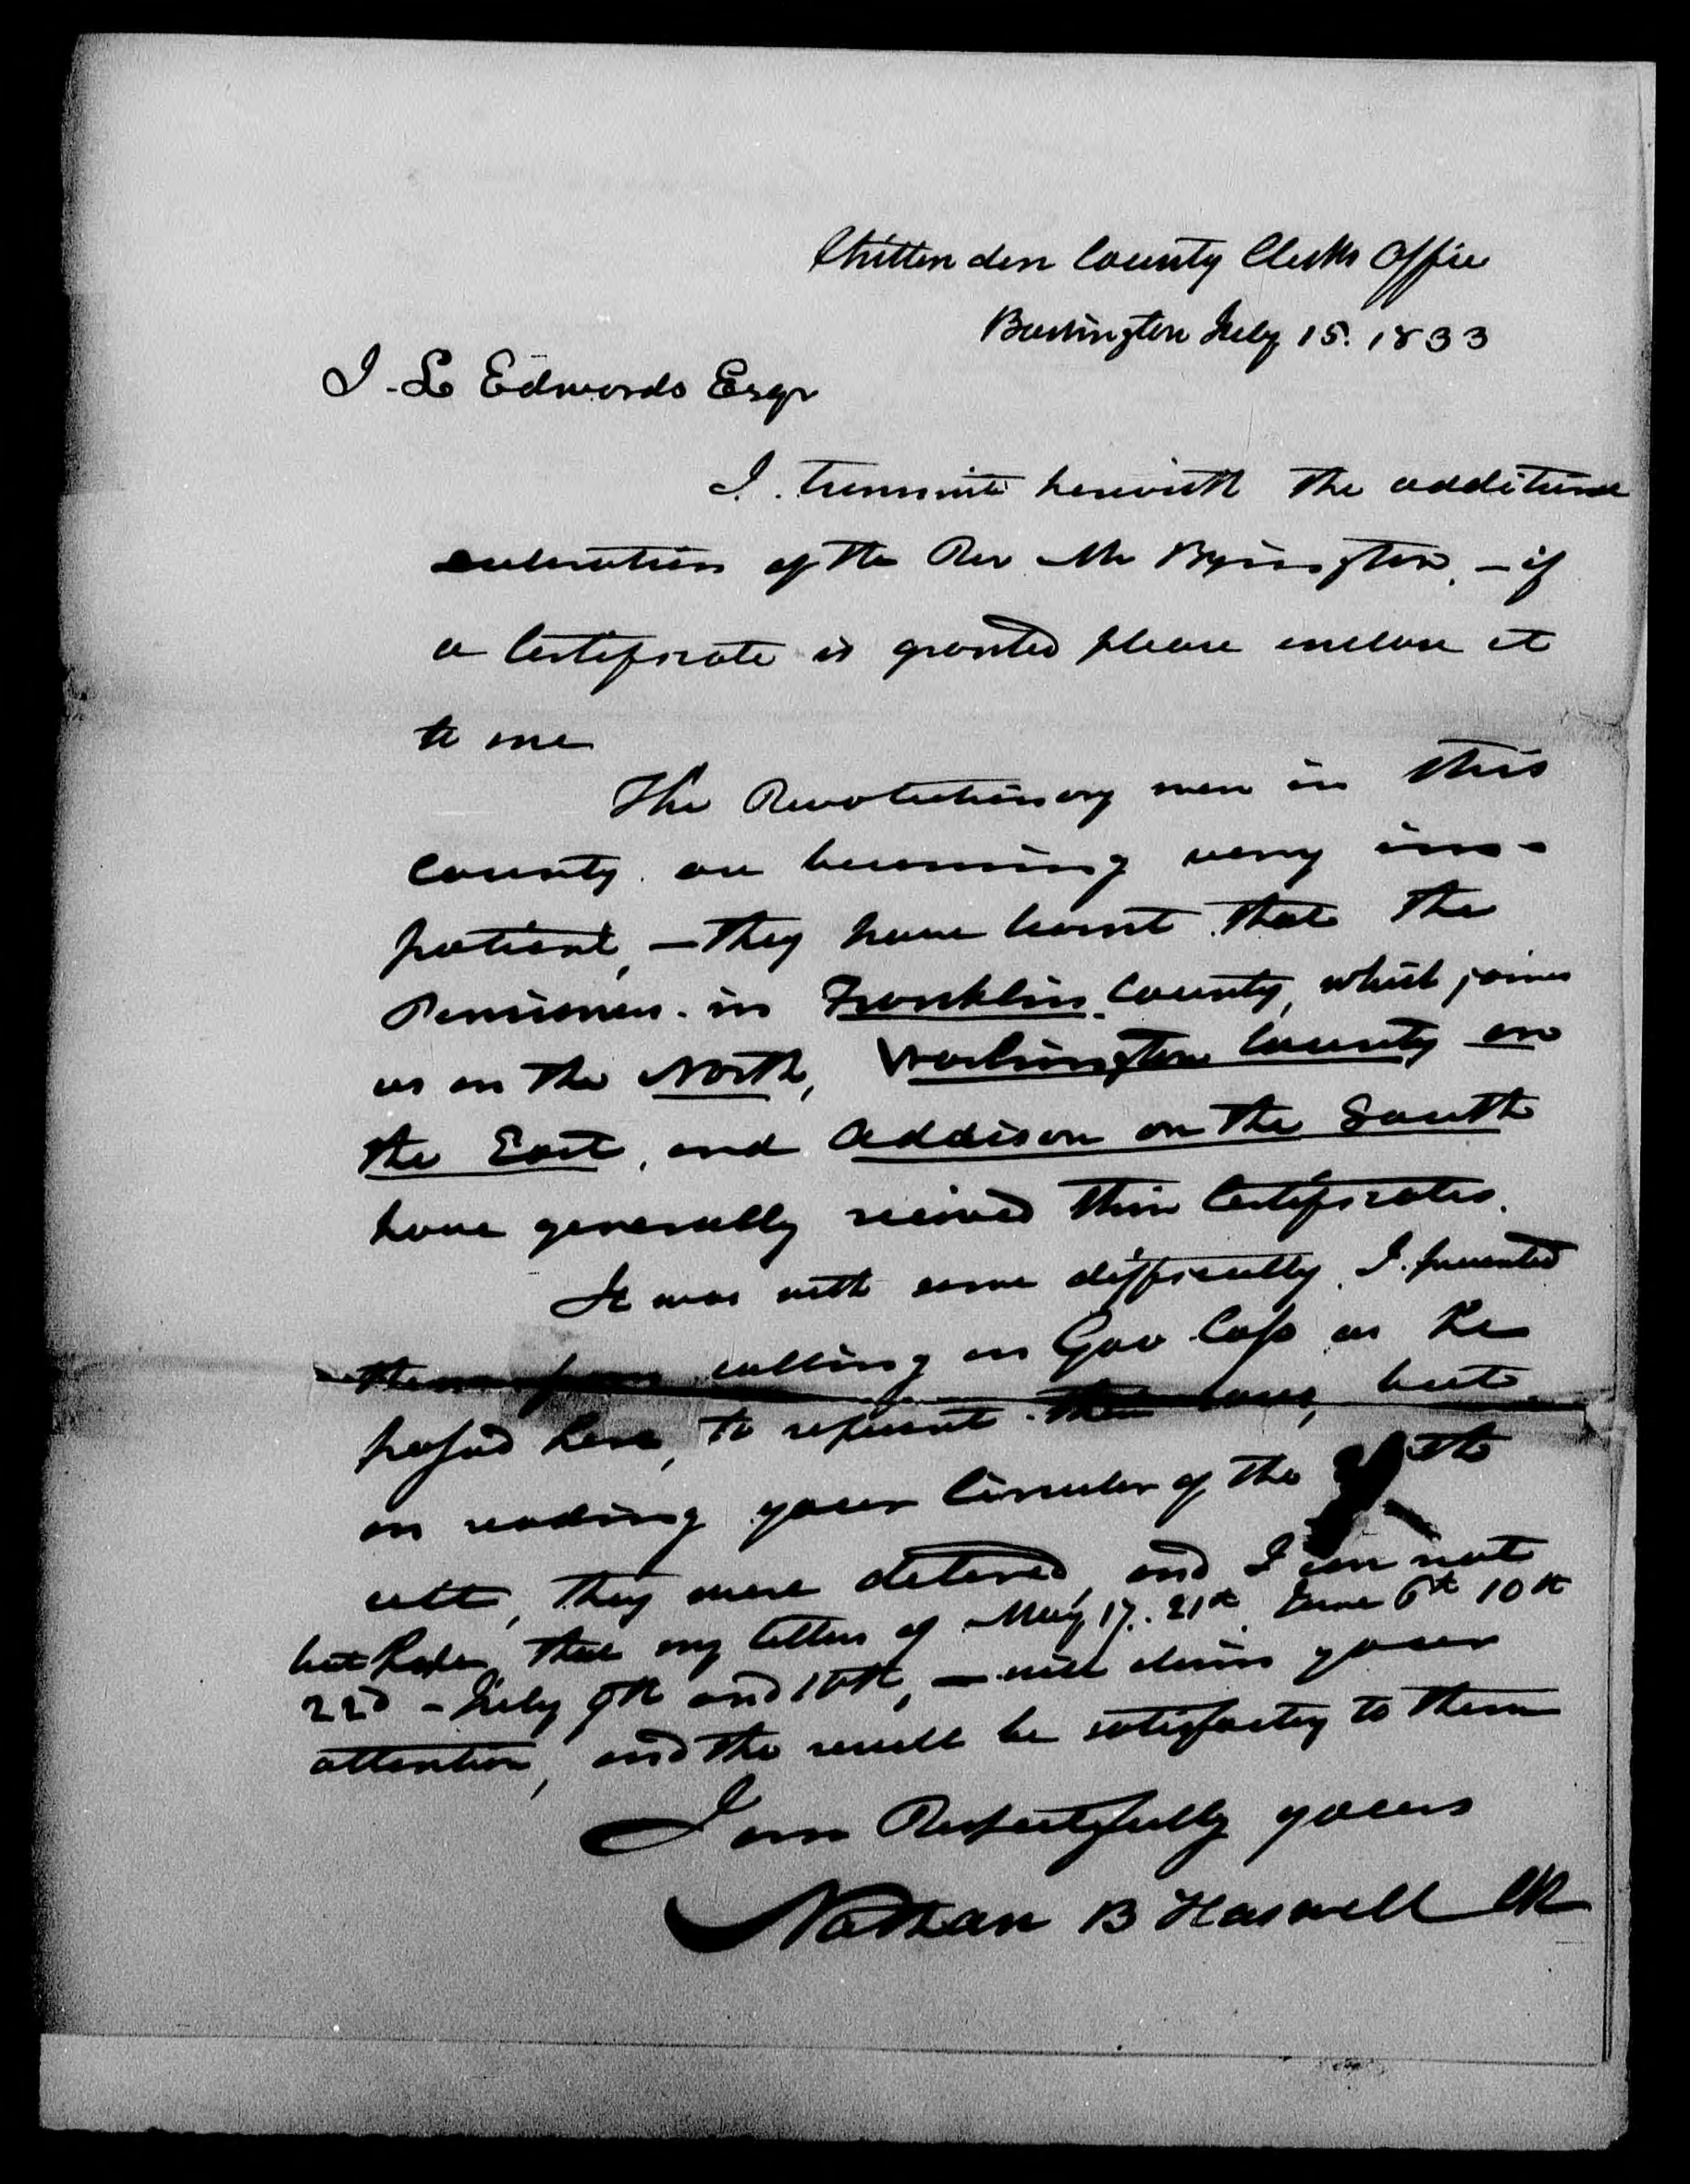Chittenden County Clerks Office
Basington July 15 1833

J.L. Edwards Esq

I (illegible) herewith the additional declarations of the Rec Nh Byington-if a certificate is granted please enclose it to me.
The Revolutionary men in this county are becoming very impatient-the have learnt that the pensions in Franklin County, which, (illegible) us on the North, Washington County on the East, and Addison on the South have generally received these certificates.
I was with some (illegible). I prevented them from calling on Gov. Cass as (illegible), to represent (illegible) but in (illegible) yourn(illegible) of the 24th (?) wit, they were (illegible) and I cannot (illegible), that my letter of May 17, 21st June 6th 10th 22d- July 9th and 10th--will claim your attention, and the will be satisfactory to them.
I am Respectfully yours
Nathan B. Haswell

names: Nathan B Maswell, Byington, J L Edwards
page: 51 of 79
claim: widow's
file: W. 23754, Justus Byington, Conn.